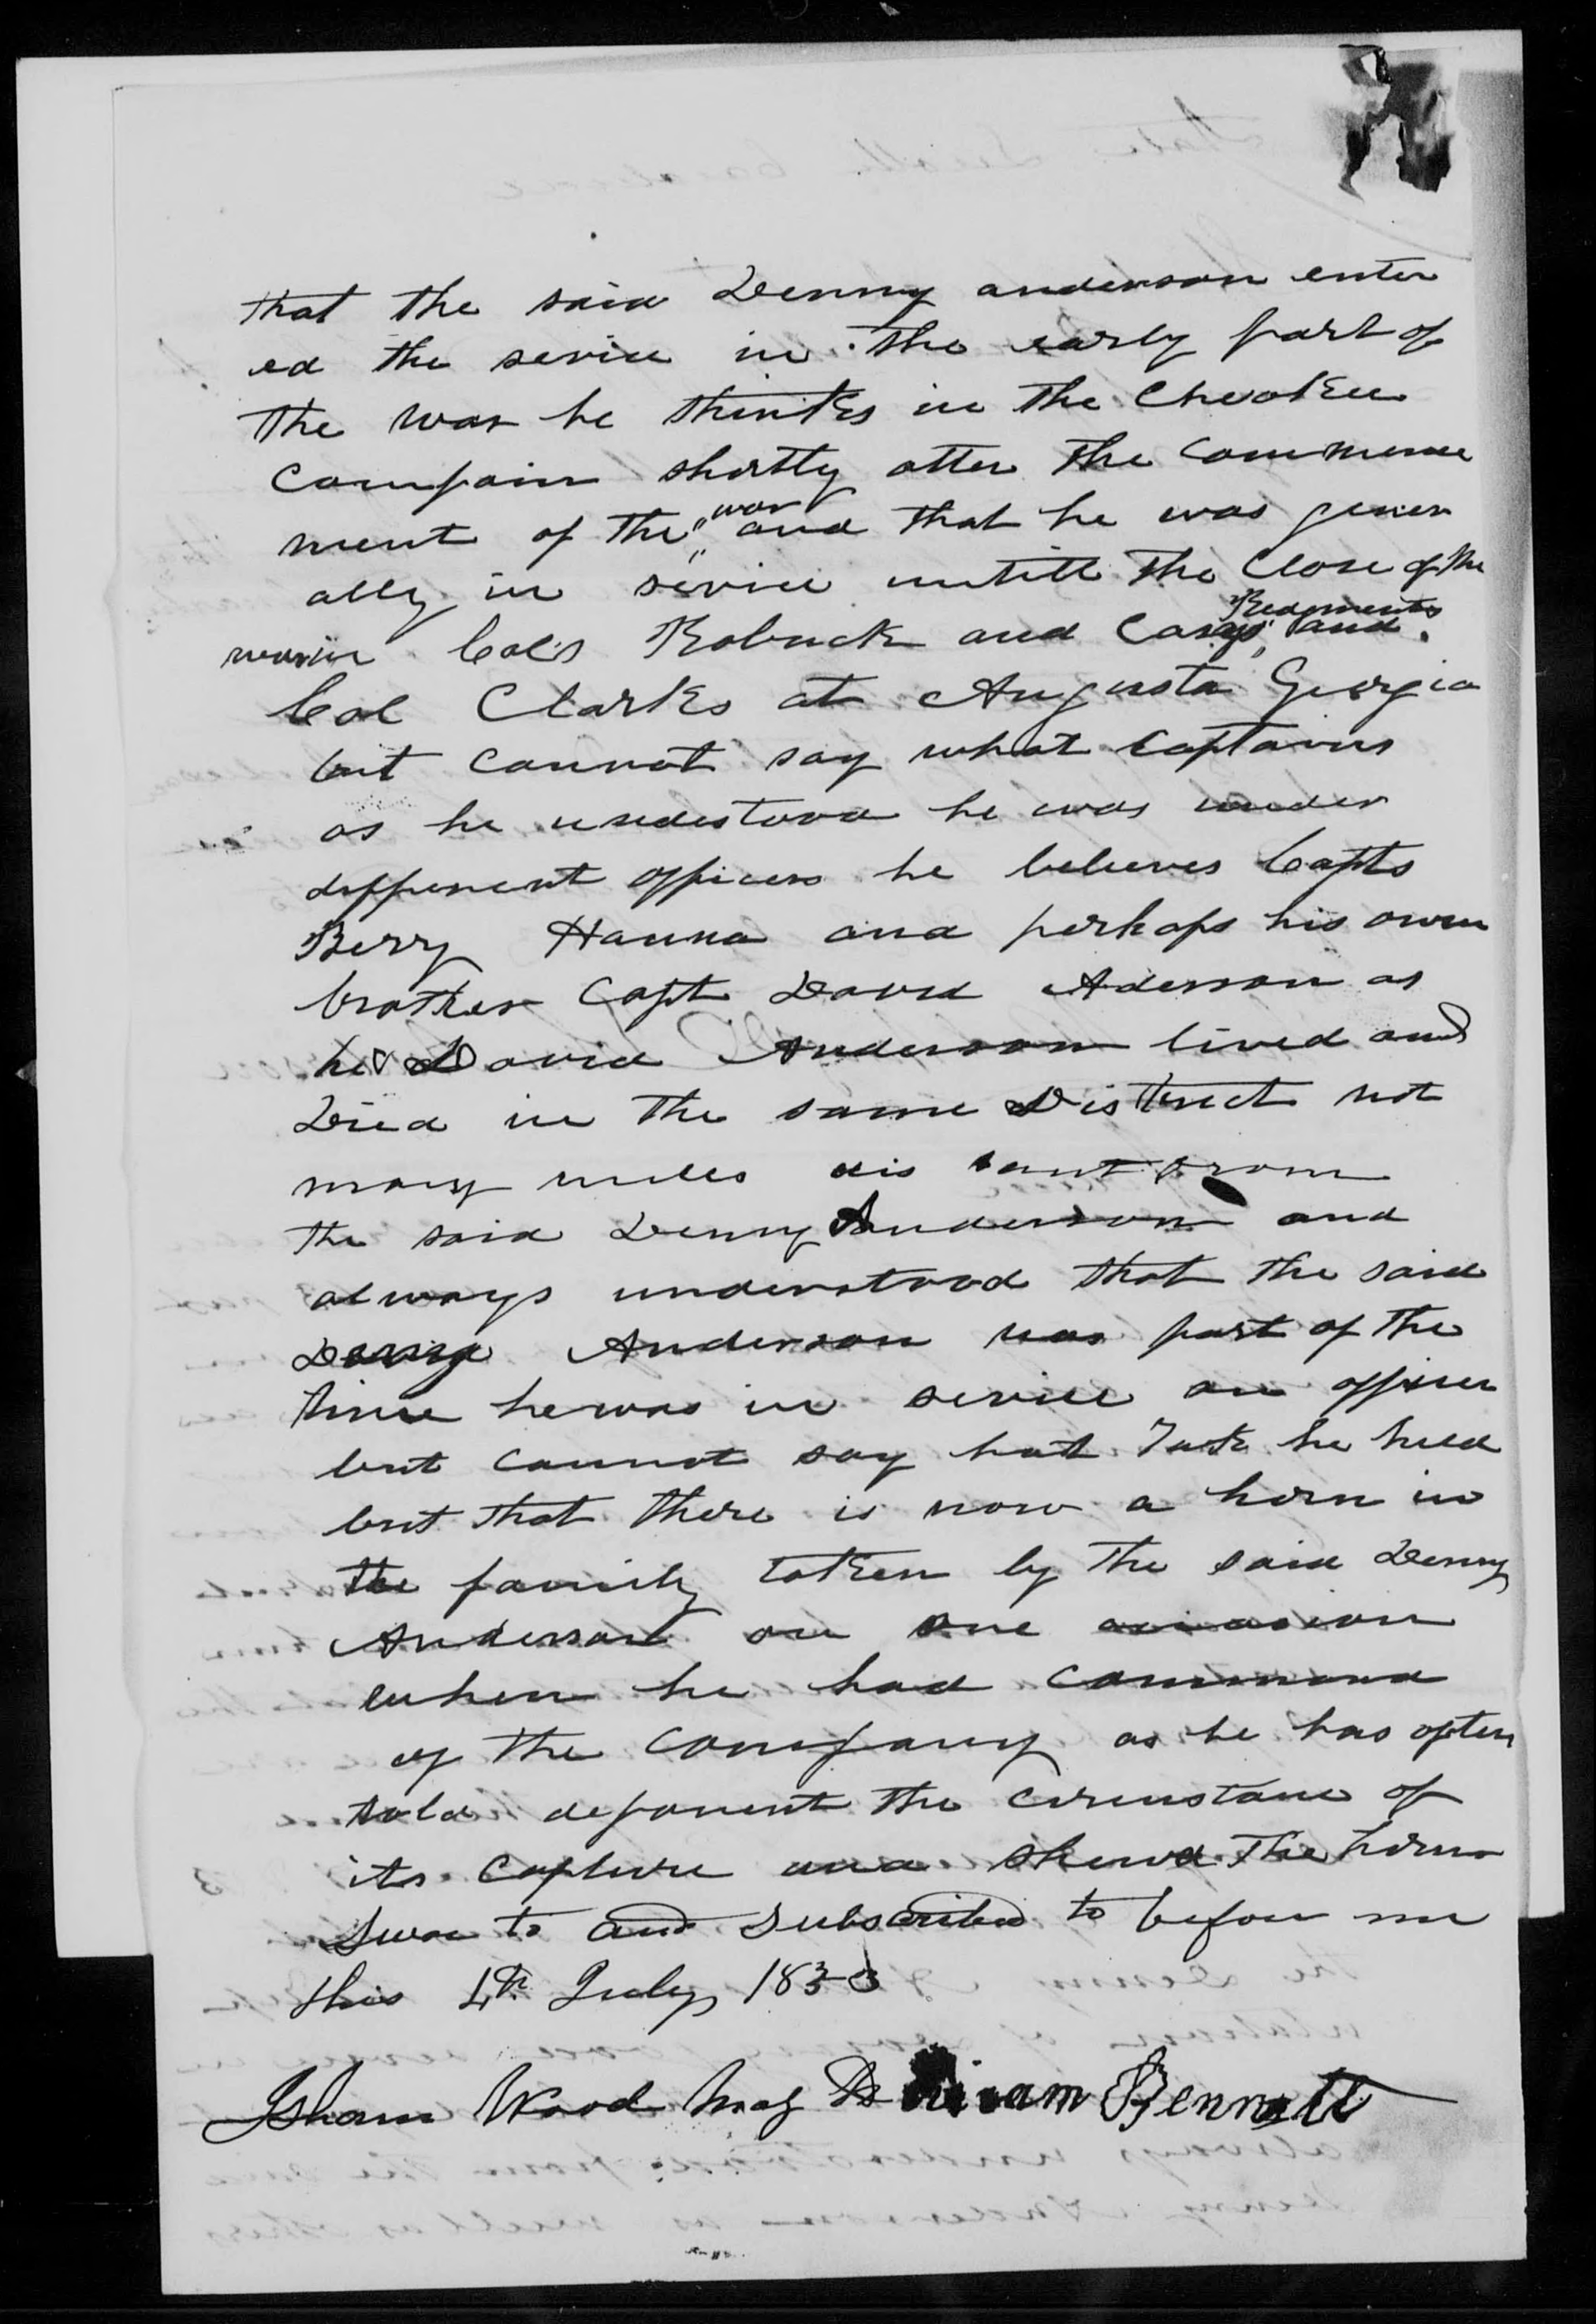that the said Denny Anderson entered the service in the early part of the war he thinks in the Cherokee campain [campaign] shortly after the commencement of the war and that he was given ally in service untill the close of the war in Col's Robuck [Roebuck] and [illegible] regiment and Col Clarks at Augusta Georgia but cannot say what Captains as he understood he was under different officers he believes Capts Berry Hanna and perhaps his own brother Capt David Anderson as David Anderson lived and died in the same District not many miles distant from the said Denny Anderson and always understood that the said Denny Anderson was part of the time he was in service an officer but cannot say what [illegible] he held but that there is now a horn in the family taken by the said Denny Anderson on one occasion when he had command of the company as he has often told deponent the circumstance of its capture and shewd the horn.
Swore to and subscribed to before me this 4th July 1853
Isham Wood Mag. SD
Hiram Bennett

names: Berry Hanna, Denny Anderson, Hiram Bennett, Denny Anderson, David Anderson, Isham Wood, David Anderson, Denny Anderson, Denny Anderson, Clarks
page: 5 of 51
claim: widow's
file: W. 9700, Denney Anderson, S.C.